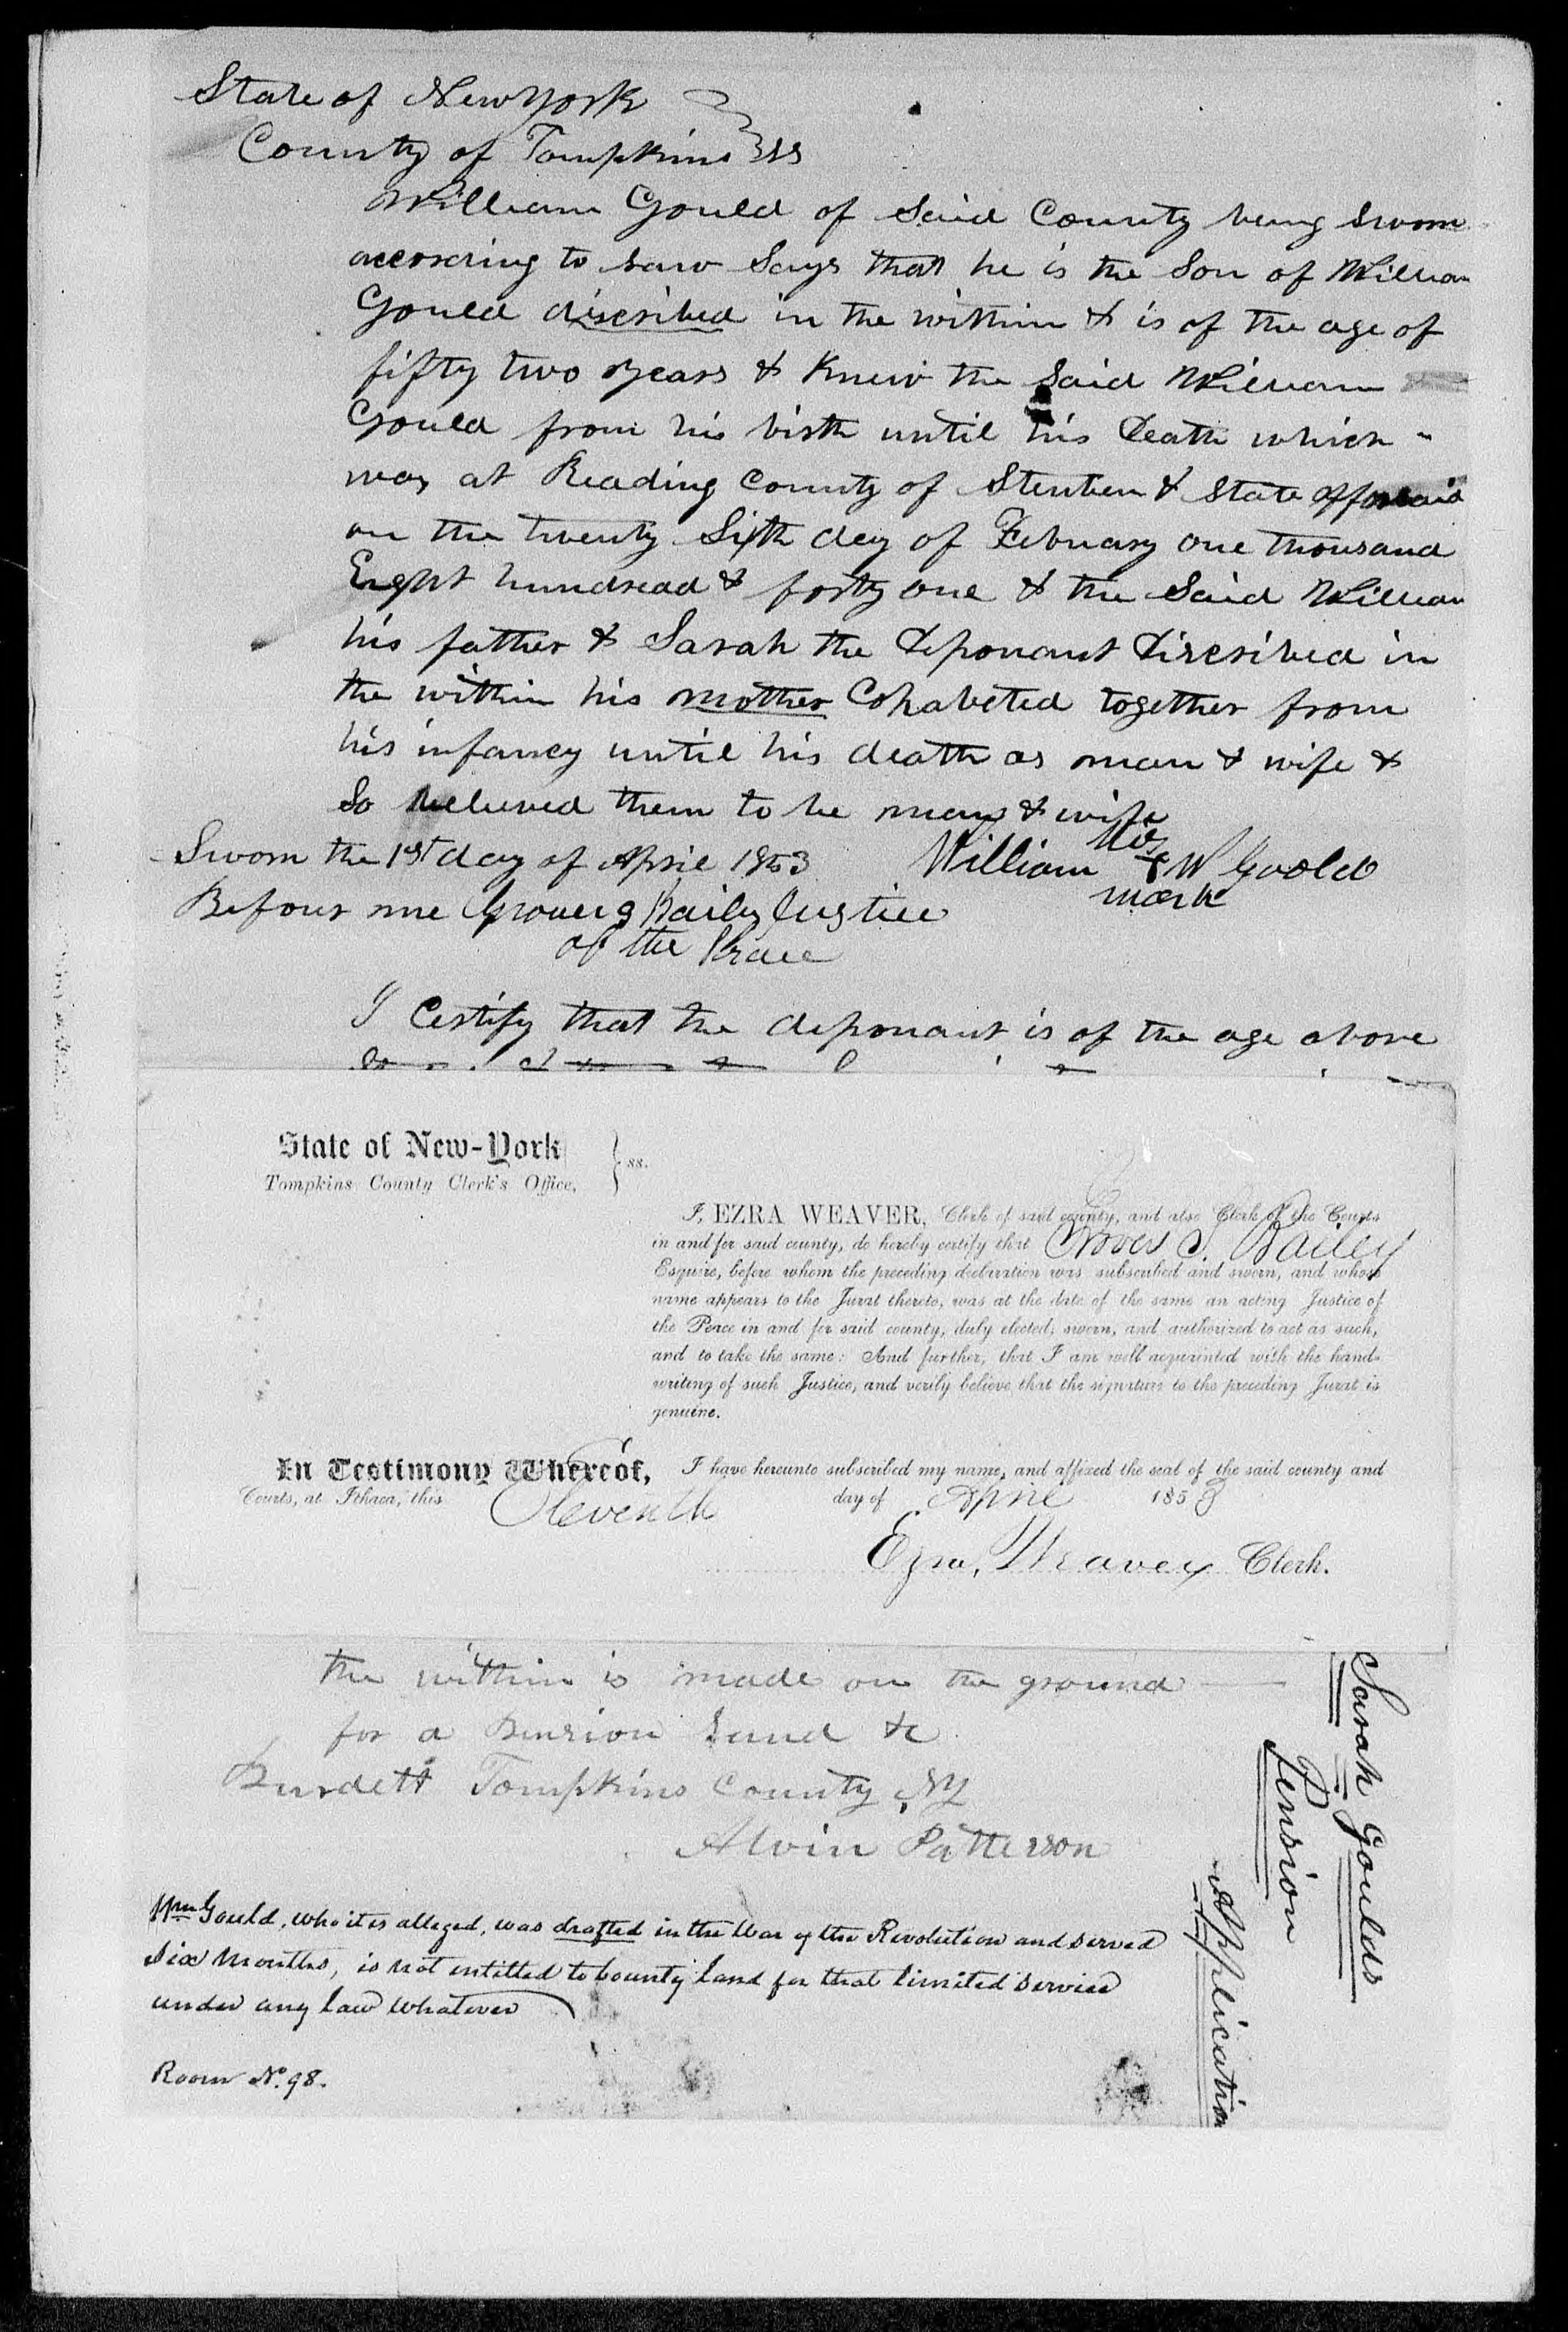[certificate affixed to copy of previous image]

State of New York
Tompkins County Clerk's Coffice

I EZRA WEAVER, Clerk of said county, and also Clerk of the Courts in and for said County, do hereby certify that Grover S. Bailey Esquire, before whom the preceding deliberation was subscribed and sworn, and whose name appears to the Jurat thereto, was at the date of the same an acting Justice of the Peace in and for said county, duly elected, sworn, and authorized to act as such, and to take the same: And further, that I am well acquainted with the handwriting of such Justice, and verify believe, that the signature to the preceding Jurat is genuine.

In Testimony Whereof, I have hereunto subscribed my name, and affixed the seal of the said county and Courts, at Ithaca, this Eleventh Day of April 1853

Ezra Weaver Clerk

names: William Gould, Sarah, Wm Gould, Alvin Patterson, Ezra Weaver, Ezra Weaver, Sarah Gould, William W Goold, William, William Gould, William Gould, Grover S Bailey, Grover S Bailey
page: 20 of 20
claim: rejected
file: R. 4,161, William Gould, New York